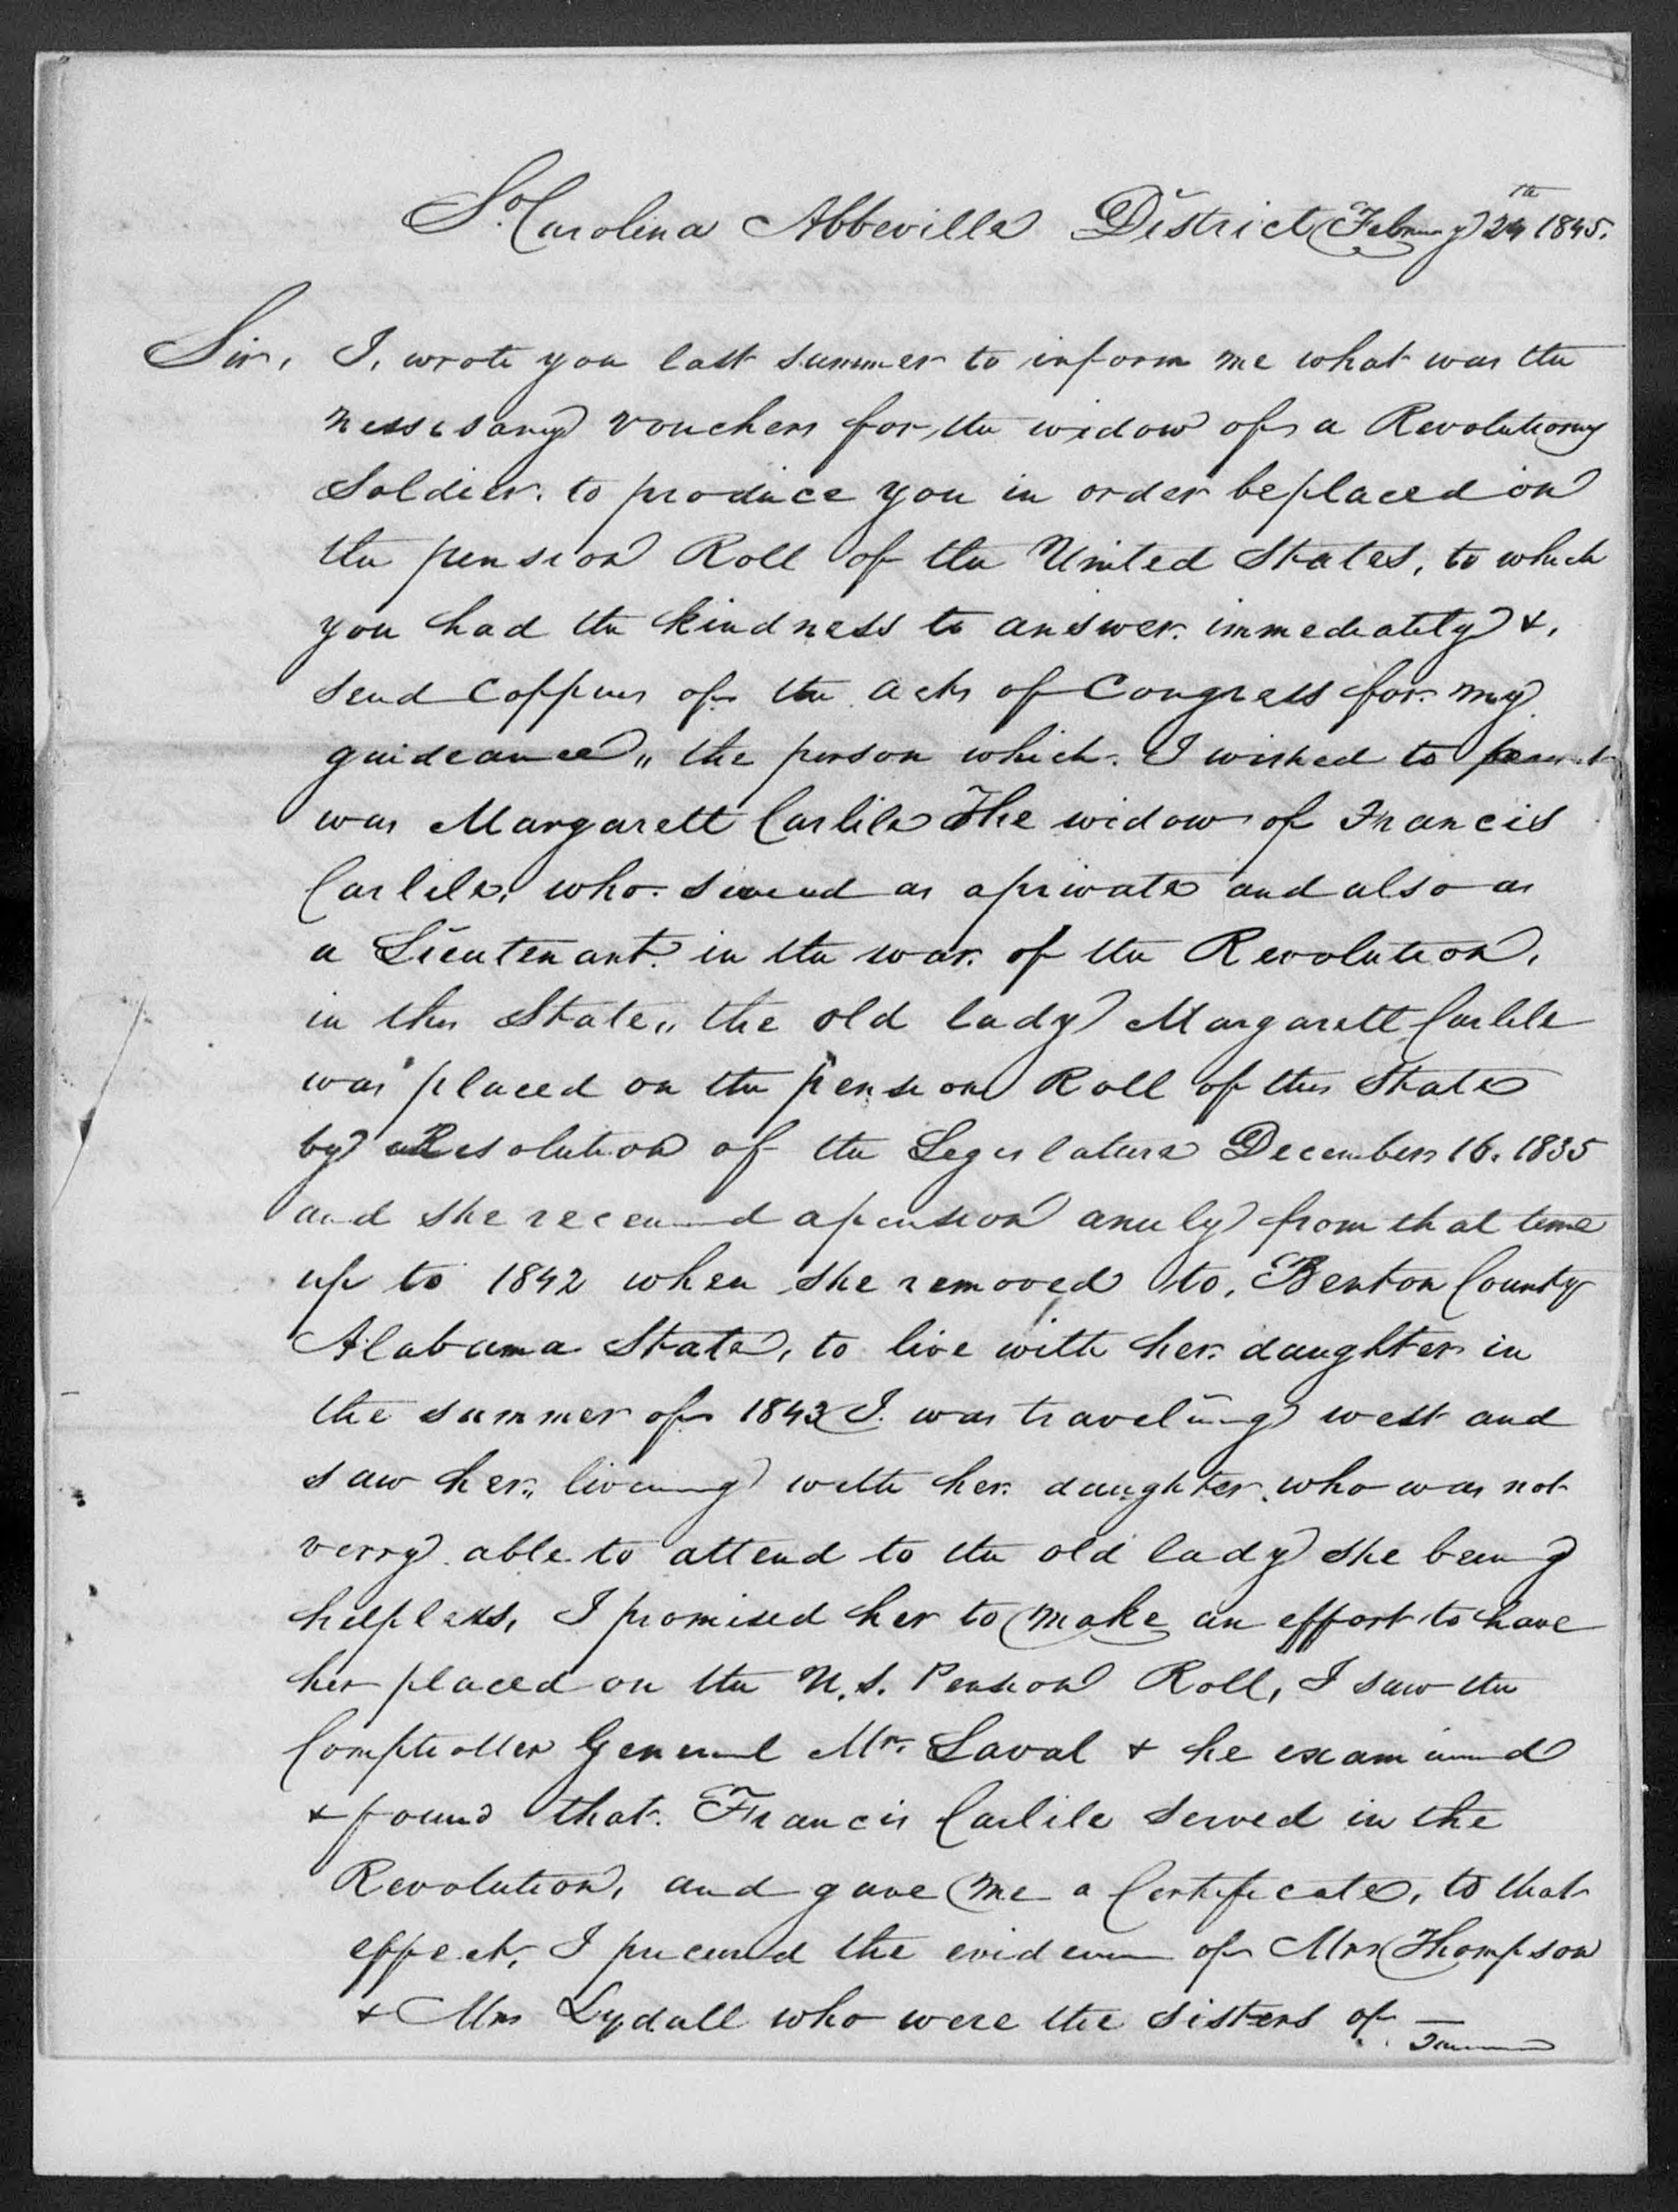So Carolina Abbeville District Febry 1845.
Sir
I wrote you last summer to inform me what was the necessary vouchers for the widow of a Revolutionary Soldier to produce you in order be placed on the pension Roll of the United States, to which you had the kindness to answer immediately & send copies of the act of Congress for my
guidance, the person which I wished to present was Margaret Carlisle The widow of Francis Carlisle, who served as a private and also as a Lieutenant in the war of the Revolution. in this State, the old lady Margaret Carlisle was placed on the pension Roll of this State by Resolution of the Legislature December 16. 1835 and she received a pension only from that time up to 1842 when he removed to Benton County Alabama State, to live with her daughter in the summer of 1842 I was traveling west and saw her living with her daughter who was not very able to attend to the old lady She being
helpless, I promised her to make an effort to have her placed on the U.S. Pension Roll. I saw the
Comptroller General Mr. Laval & he examined & found that Francis Carlisle served in the Revolution, and gave me a certificate, to that effect, I procured the evidence of Mrs. Thompson & Mrs. Lydall who were the sisters of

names: Laval, Margarett Carlile, Margarett Carlile, Thompson, Francis Carlile, Francis Carlile, Lydall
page: 87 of 91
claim: widow's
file: W. 10576, Francis Carlisle, S.C.